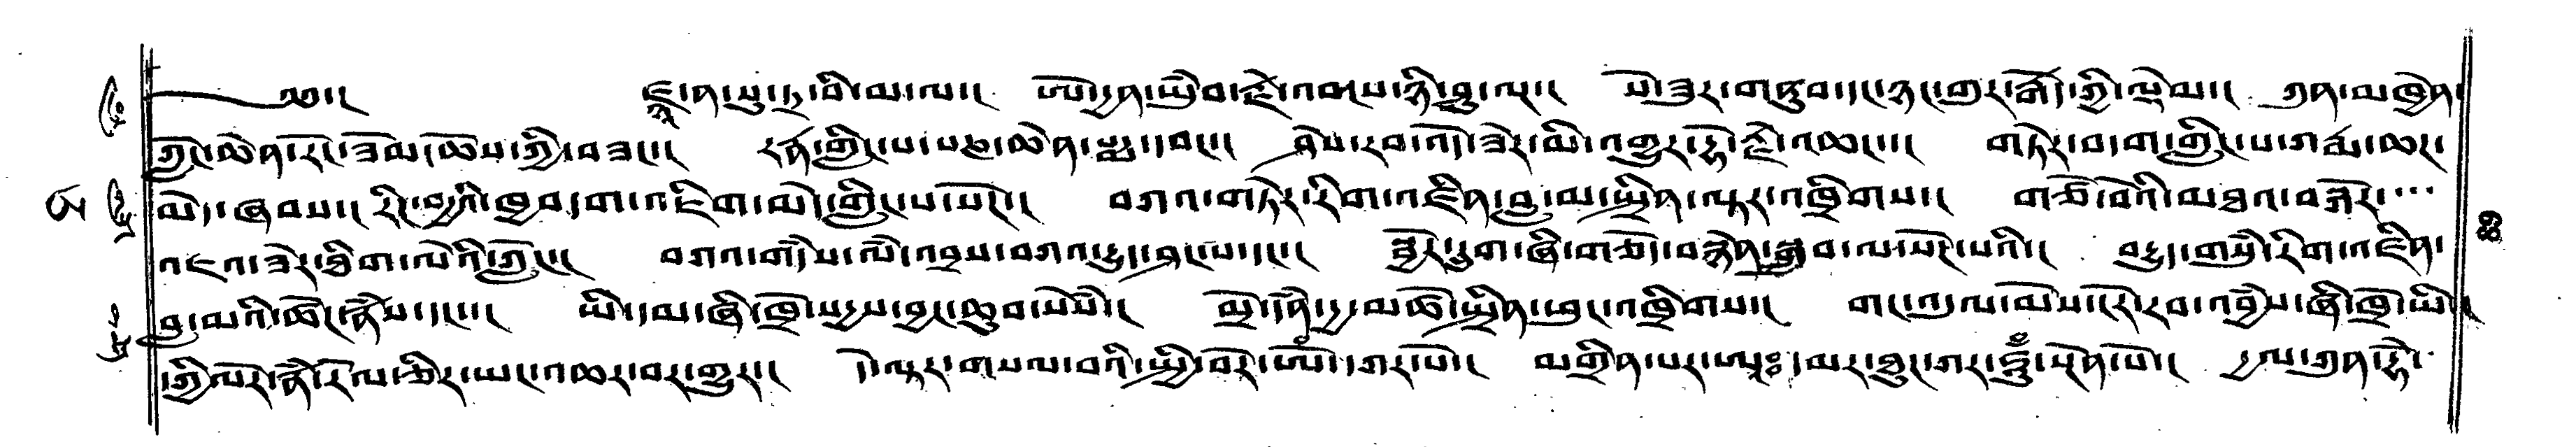ཛྙཱ་ན་སུ་ཏྲ་བཱི་མ་ལ། །ཨོ་རྒྱན་ཡབ་ཡུམ་རྗེ་འབངས་ཉི་ཤུ་ལྔ། །སོ་ཟུར་གནུབས་དང་ཉང་གུར་རྒོད་ཀྱི་ལྡེམ། །ཀུན་མཁྱེན་
ཀློང་ཆེན་རོང་ཟོམ་ཆོས་ཀྱི་བཟང་། །རཏྣ་གླིང་པ་པཎ་ཆེན་པདྨ་དབང་། །ཤེས་རབ་འོད་ཟེར་མི་འགྱུར་རྡོ་རྗེ་འཆང་། །གཏེར་བདག་གླིང་པ་ཀརྨ་ཆགས་
མེད་ཞབས། །རིགས་བརྒྱའི་ཁྱབ་བདག་འཇིགས་མེད་གླིང་པ་སོགས། །བཀའ་གཏེར་རིག་འཛིན་བླ་མ་སྤྲིན་ལྟར་འཁྲིགས། །གཙོ་བོའི་མཐའ་བསྐོར་
འཇའ་ཟེར་ཐིག་ལེའི་ཀློང་། །བཀའ་གདམས་ལམ་འབྲས་བཀའ་རྒྱུད་ཤངས་པ་དང་། །སྦྱོར་དྲུག་ཞི་གཅོད་བསྙེན་སྒྲུབ་ལ་སོགས་པའི། །བརྒྱུད་གསུམ་རིག་འཛིན་
བླ་མའི་ཚོགས་རྣམས་དང་། །ཡི་དམ་ཞི་ཁྲོ་སངས་རྒྱས་བྱང་ཆུབ་སེམས། །མཁའ་འགྲོ་དམ་ཅན་རྒྱ་མཚོ་སྤྲིན་ཕུང་འཁྲིགས། །གང་འདུལ་མོས་ངོར་རབ་འབྱམས་ཞི་ཁྲོ་ཡི། །
དཀྱིལ་འཁོར་རྣམ་རོལ་ཅིར་ཡང་འཆར་བར་གྱུར། །དེ་ལྟར་གསལ་བའི་སྤྱི་བོར་ཨོཾ་དཀར་པོ། །མགྲིན་པར་ཨཱཿདམར་ཐུགས་ཀར་ཧཱུྃ་སྔོན་པོ། །རྒྱལ་ཀུན་རྡོ་རྗེ་